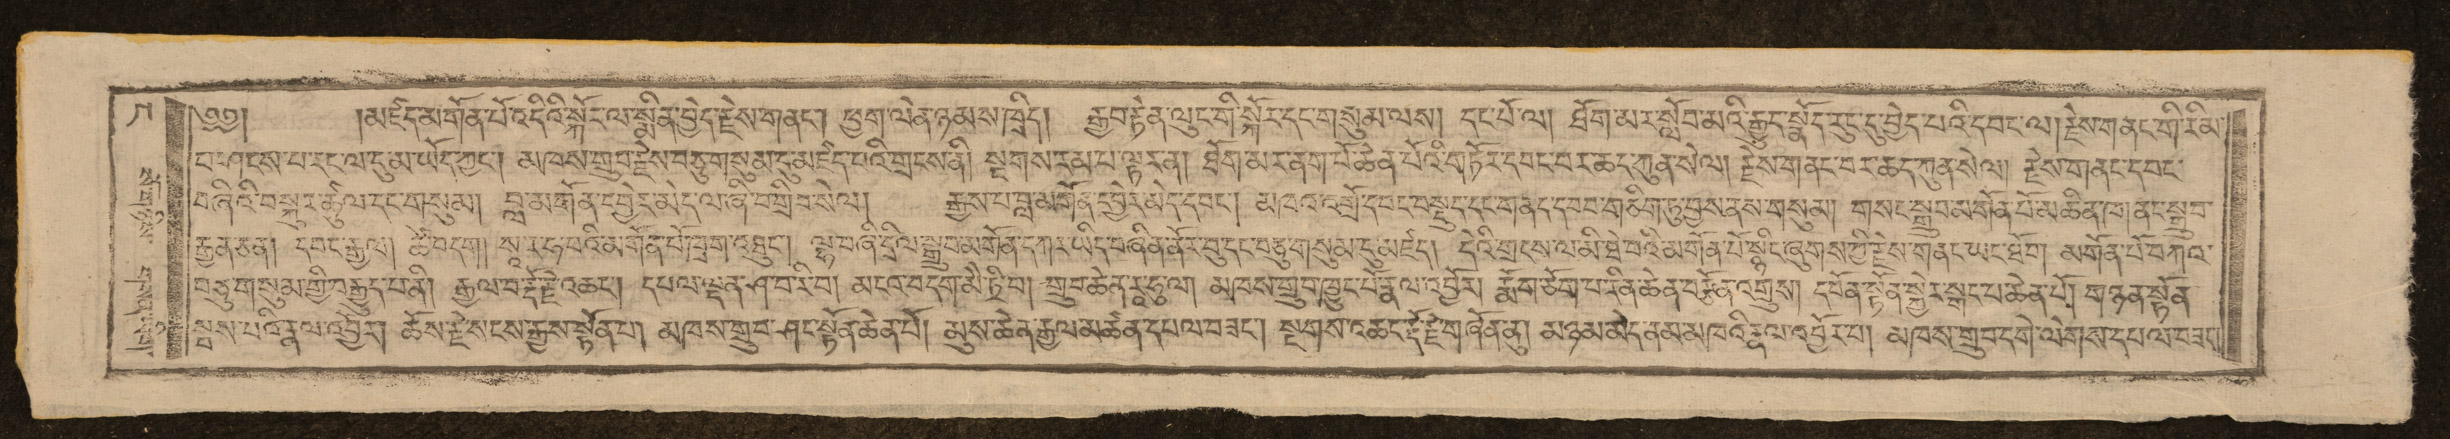༄༅། །མཛད་མགོན་པོ་འདིའི་སྐོང་ལ་སྨིན་བྱེད་རྗེས་གནང་། ཕྱག་ལེན་ཉམས་ཁྲིད། རྒྱ་བརྟེན་ལུང་གི་སྐོར་དང་གསུམ་ལས། དང་པོ་ལ། ཐོག་མར་སློབ་མའི་རྒྱུད་སྣོད་རུང་དུ་བྱེད་པའི་དབང་ལ། རྗེས་གནང་གི་རིམ་
པ་ཤངས་པ་རང་ལ་དུ་མ་ཡོད་ཀྱང་། མཁས་གྲུབ་རྗེས་བཅུ་གསུམ་དུ་མཛད་པའི་གྲངས་ནི། སྔགས་རམ་པ་ལྟར་ན། ཐོག་མར་ནག་པོ་ཆེན་པོའི་གཏོར་དབང་བར་ཆད་ཀུན་སེལ། རྗེས་གནང་བར་ཆད་ཀུན་སེལ། རྗེས་གནང་དབང་
བཞིའི་བསྐུར་ཚུལ་དང་གསུམ། བླ་མགོན་དབྱེར་མེད་ལ་ཞི་བགྲིབ་སེལ། རྒྱས་པ་བླ་མགོན་དབྱེར་མེད་དབང་། མཁའ་འགྲོ་དབང་བསྡུད་དང་གནད་དབབ་གཅིག་ཏུ་བྱས་ནས་གསུམ། གསང་སྒྲུབ་མགོན་པོ་མཆིན་ཁ། ནང་སྒྲུབ་
རྒྱན་ཅན། དབང་རྒྱལ། ཚེ་བདག། སཱ་ར་ཧ་པའི་མགོན་པོ་ཁྲག་འཐུང་། ལྷ་བཞི་དྲིལ་སྒྲུབ་མགོན་དཀར་ཡིད་བཞིན་ནོར་བུ་དང་བཅུ་གསུམ་དུ་མཛད། དེའི་གྲངས་ལ་མི་ཐེ་བའི་མགོན་པོ་སྙིང་ཞུགས་ཀྱི་རྗེས་གནང་ཡང་ཐོག་མགོན་པོ་བཀའ་
བཅུ་གསུམ་གྱི་བརྒྱུད་པ་ནི། རྒྱལ་བ་རྡོ་རྗེ་འཆང་། དཔལ་ལྡན་ཤ་བ་རི་བ། མངའ་བདག་མཻ་ཏྲི་བ། གྲུབ་ཆེན་རཱ་ཧུ་ལ། མཁས་གྲུབ་ཁྱུང་པོ་རྣལ་འབྱོར། རྨོག་ཅོག་པ་རིན་ཆེན་བརྩོན་འགྲུས། དབོན་སྟོན་སྐྱེར་སྒང་པ་ཆེན་པོ། གཉན་སྟོན་
སྦས་པའི་རྣལ་འབྱོར། ཆོས་རྗེ་སངས་རྒྱས་སྟོན་པ། མཁས་གྲུབ་ཤང་སྟོན་ཆེན་པོ། མུས་ཆེན་རྒྱལ་མཚན་དཔལ་བཟང་། སྔགས་འཆང་རྡོ་རྗེ་གཞོན་ནུ། མཉམ་མེད་ནམ་མཁའི་རྣལ་འབྱོར་པ། མཁས་གྲུབ་དགེ་ལེགས་དཔལ་བཟང་།